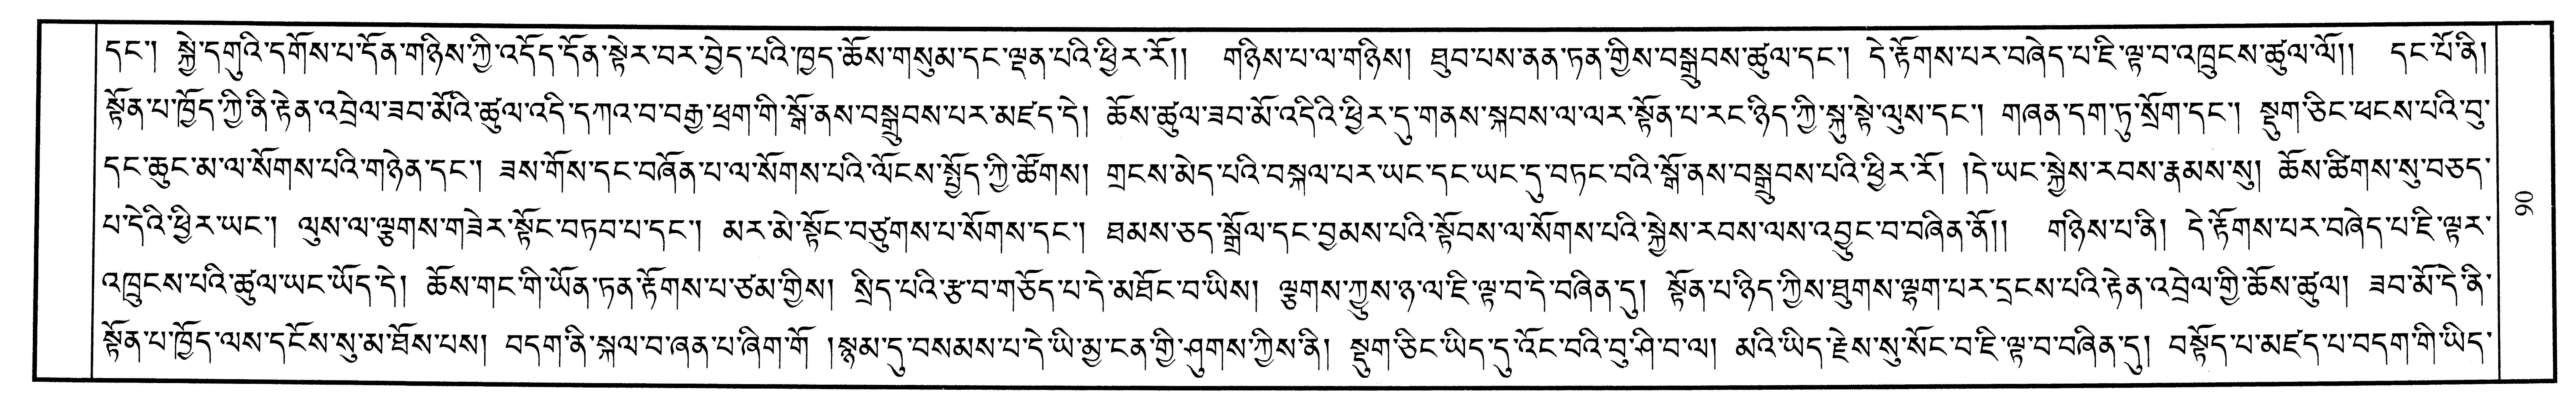དང་། སྐྱེ་དགུའི་དགོས་པ་དོན་གཉིས་ཀྱི་འདོད་དོན་སྟེར་བར་བྱེད་པའི་ཁྱད་ཆོས་གསུམ་དང་ལྡན་པའི་ཕྱིར་རོ།། གཉིས་པ་ལ་གཉིས། ཐུབ་པས་ནན་ཏན་གྱིས་བསྒྲུབས་ཚུལ་དང་། དེ་རྟོགས་པར་བཞེད་པ་ཇི་ལྟ་བ་འཁྲུངས་ཚུལ་ལོ།། དང་པོ་ནི།
སྟོན་པ་ཁྱོད་ཀྱི་ནི་རྟེན་འབྲེལ་ཟབ་མོའི་ཚུལ་འདི་དཀའ་བ་བརྒྱ་ཕྲག་གི་སྒོ་ནས་བསྒྲུབས་པར་མཛད་དེ། ཆོས་ཚུལ་ཟབ་མོ་འདིའི་ཕྱིར་དུ་གནས་སྐབས་ལ་ལར་སྟོན་པ་རང་ཉིད་ཀྱི་སྐུ་སྟེ་ལུས་དང་། གཞན་དག་ཏུ་སྲོག་དང་། སྡུག་ཅིང་ཕངས་པའི་བུ་
དང་ཆུང་མ་ལ་སོགས་པའི་གཉེན་དང་། ཟས་གོས་དང་བཞོན་པ་ལ་སོགས་པའི་ལོངས་སྤྱོད་ཀྱི་ཚོགས། གྲངས་མེད་པའི་བསྐལ་པར་ཡང་དང་ཡང་དུ་བཏང་བའི་སྒོ་ནས་བསྒྲུབས་པའི་ཕྱིར་རོ། །དེ་ཡང་སྐྱེས་རབས་རྣམས་སུ། ཆོས་ཚིགས་སུ་བཅད་
པ་དེའི་ཕྱིར་ཡང་། ལུས་ལ་ལྕགས་གཟེར་སྟོང་བཏབ་པ་དང་། མར་མེ་སྟོང་བཙུགས་པ་སོགས་དང་། ཐམས་ཅད་སྒྲོལ་དང་བྱམས་པའི་སྟོབས་ལ་སོགས་པའི་སྐྱེད་རབས་ལས་འབྱུང་བ་བཞིན་ནོ། །གཉིས་པ་ནི། དེ་རྟོགས་པར་བཞེད་པ་ཇི་ལྟར་
འཁྲུངས་པའི་ཚུལ་ཡང་ཡོད་དེ། ཆོས་གང་གི་ཡོན་ཏན་རྟོགས་པ་ཙམ་གྱིས། སྲིད་པའི་རྩ་བ་གཅོད་པ་དེ་མཐོང་བ་ཡིས། ལྕགས་ཀྱུས་ཉ་ལ་ཇི་ལྟ་བ་དེ་བཞིན་དུ། སྟོན་པ་ཉིད་ཀྱིས་ཐུགས་ལྷག་པར་དྲངས་པའི་རྟེན་འབྲེལ་གྱི་ཆོས་ཚུལ། ཟབ་མོ་དེ་ནི་
སྟོན་པ་ཁྱོད་ལས་དངོས་སུ་མ་ཐོས་པ། བདག་ནི་སྐལ་བ་ཞན་པ་ཞིག་གོ། །སྙམ་དུ་བསམས་པ་དེ་ཡི་མྱ་ངན་གྱི་ཤུགས་ཀྱིས་ནི། སྡུག་ཅིང་ཡིད་དུ་འོང་བའི་བུ་ཤི་བ་ལ། མའི་ཡིད་རྗེས་སུ་སོང་བ་ཇི་ལྟ་བ་བཞིན་དུ། བསྟོད་པ་མཛད་པ་བདག་གི་ཡིད་